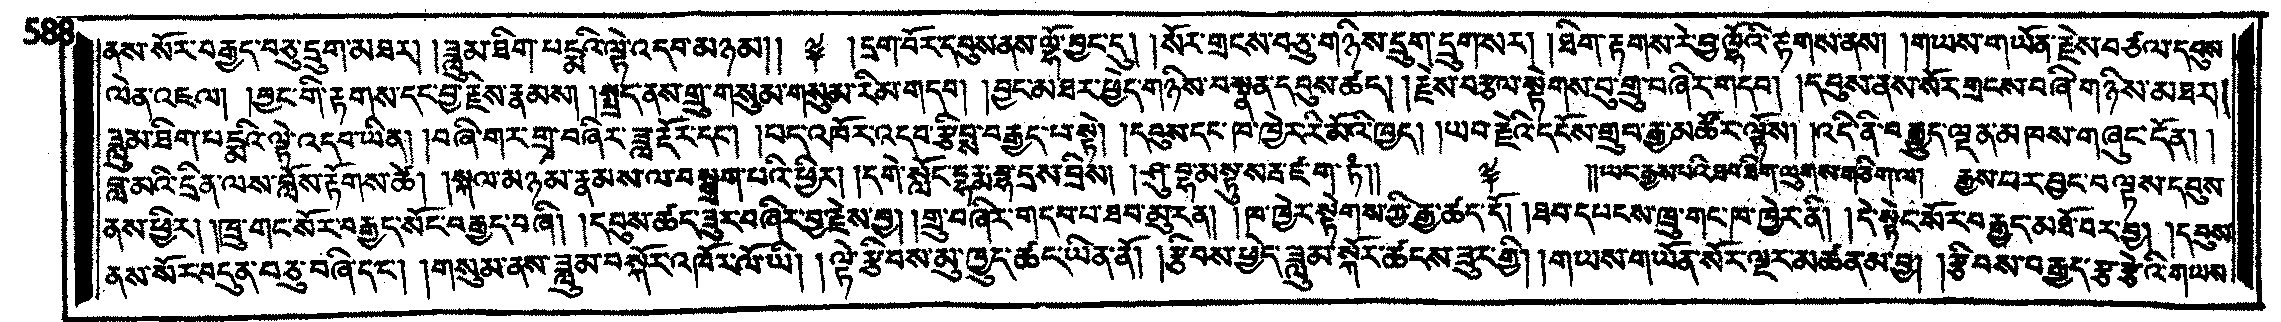ནས་སོར་བརྒྱད་བཅུ་དྲུག་མཐར། །ཟླུམ་ཐིག་པདམའི་ལྟེ་འདབ་མཉམ།། འ་།།དྲག་བོར་དབུས་ནས་ལྷོ་བྱང་དུ། །སོར་གྲངས་བཅུ་གཉིས་དྲུག་དྲུག་སར། །ཐིག་རྟགས་རེ་བྱ་ཁོའི་རྟགས་ནས། །གཡས་གཡོན་རྗེས་བཙལ་དབུས་
ལེན་འཇལ། །བྱང་གི་རྟགས་དང་བྱ་རྗེས་རྣམས། །སྤྲད་ནས་གྲུ་གསུམ་གསུམ་རིམ་གདབ། །བྱང་མཐར་ཕྱེད་གཉིས་བསྣན་དབུས་ཚད། །རྗེས་བརྩལ་སྟེགས་བུ་གྲུ་བཞིར་གདབ། །དབུས་ནས་སོར་གྲངས་བཞི་གཉིས་མཐར། །
ཟླུམ་ཐིག་པདམའི་ལྟེ་འདབ་ཡིན། །བཞི་གར་གྲྭ་བཞིར་ཟླ་རྡོར་དང་། །པད་འཁོར་འདབ་རྩིབས་བརྒྱད་པ་སྟེ། །དབུས་དང་ཁ་ཁྱེར་རི་མོའི་ཁྱད། །ཡབ་རྗེའི་དངོས་གྲུབ་རྒྱ་མཚོར་ལྟོས། །འདི་ནི་བརྒྱུད་ལྡན་མཁས་གཞུང་དོན། །
བླ་མའི་དྲིན་ལས་བློས་རྟོགས་ཚེ། །སྐལ་མཉམ་རྣམས་ལ་བསྒྲག་པའི་ཕྱིར། །དགེ་སློང་དྷརྨ་བྷ་དྲས་བྲིས། །ཤུ་བྷ་མསྟུ་སརྦ་ཛ་ག་ཏཾ།། འ་།།ཡང་རྒྱས་པའི་ཐབ་ཐིག་ལུགས་གཅིག་ལ། རྒྱས་པར་བྱང་བལྟས་དབུས་
ནས་ཕྱིར། །ཁྲུ་གང་སོར་བརྒྱད་སོང་བརྒྱད་བཞི། །དབུས་ཚད་ཟུར་བཞིར་བྱ་རྗེས་བྱ། །གྲུ་བཞིར་གདབ་པ་ཐབ་མུར་ན། །ཁ་ཁྱེར་སྟེགས་ཀྱི་རྒྱ་ཚད་དོ། །ཐབ་དཔངས་ཁྲུ་གང་ཁ་ཁྱེར་ནི། །དེ་སྟེང་སོར་བརྒྱད་མཐོ་བར་བྱ། །དབུས་
ནས་སོར་བདུན་བཅུ་བཞི་དང་། །གསུམ་ནས་ཟླུམ་བསྐོར་འཁོར་ལོ་ཡི། །ལྟེ་རྩིབས་མུ་ཁྱུད་ཚང་ཡིན་ནོ། །རྩིབས་ཕྱེད་ཟླུམ་སྐོར་ཚངས་ཟུར་གྱི། །གཡས་གཡོན་སོར་ལྔར་མཚན་མ་བྱ། །རྩིབས་བརྒྱད་རྩ་རྩེའི་གཡས་